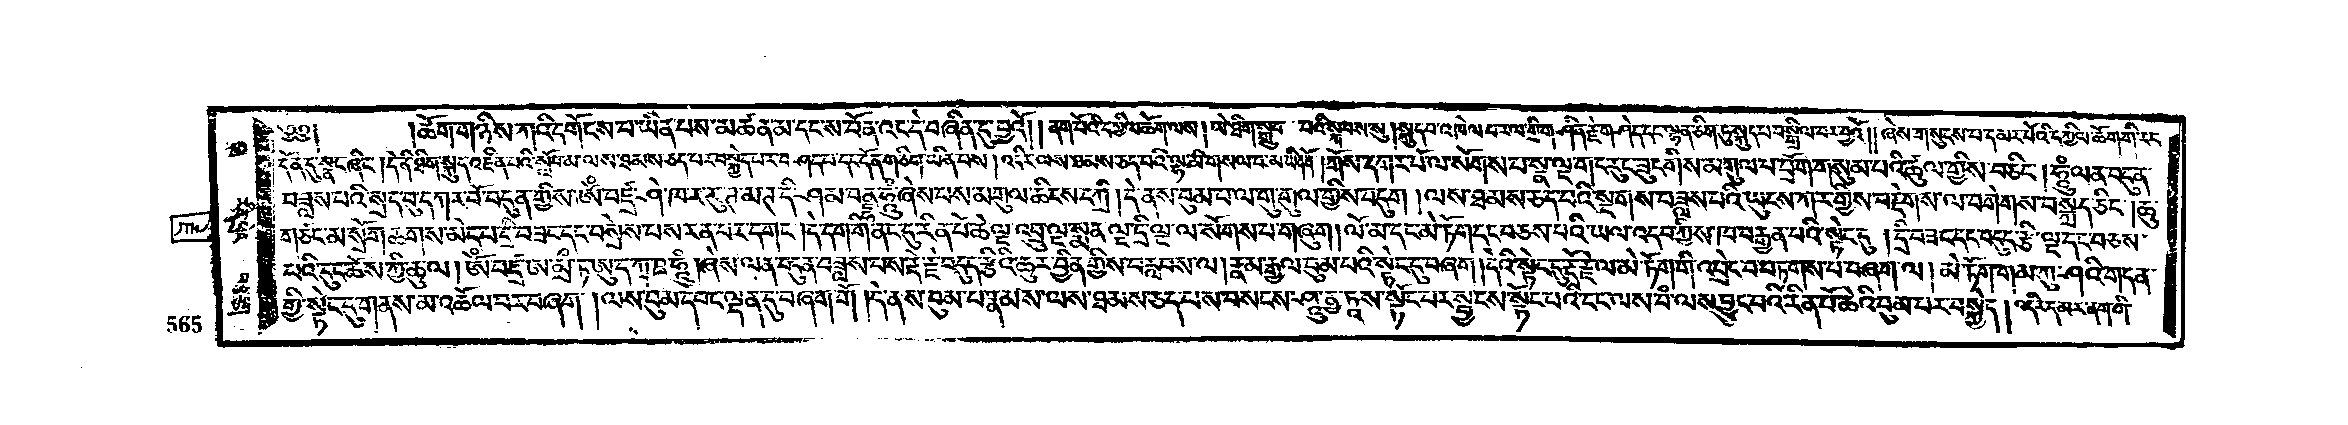༄༅། །ཆོག་གཉིས་ཀའི་དགོངས་པ་ཡིན་པས་མཚན་མ་དང་ས་བོན་འང་དེ་བཞིན་དུ་བྱའོ། །ནག་པོའི་དཀྱིལ་ཆོག་ལས། ཡེ་ཐིག་སྒྲུབ་པའི་སྐབས་སུ། སྐུད་པ་འཁེལ་བ་རལ་གྲི་གཤིན་རྗེ་གཤེད་དང་ལྷན་ཅིག་ཏུ་སྐུད་པ་བསྒྲིལ་བར་བྱའོ། །ཞེས་གསུངས་པ་དམར་པོའི་དཀྱིལ་ཆོག་གི་རང་
དོན་དུ་སྣང་ཞིང་། དེ་ནི་ཐིག་སྐུད་འཛིན་པའི་སློབ་མ་ལས་ཐམས་ཅད་པར་བསྐྱེད་པར་བཤད་པ་དང་དོན་གཅིག་ཡིན་པས། འདིར་ལས་ཐམས་ཅད་པའི་ལྷ་མི་གསལ་བ་མ་ཡིན་ནོ། །གོས་དཀར་པོ་ལ་སོགས་པ་སྣ་ལྔ་གང་རུང་ཟུང་གིས་མགུལ་པ་ཕྲོག་གསུམ་པའི་ཚུལ་གྱིས་བཅིང་། ཧཱུཾ་ལན་བདུན་
བཟླས་པའི་སྲད་བུ་དཀར་བོ་བདུན་གྱིས་ཨོཾ་བཛྲ་ཤེ་ཁ་ར་རུ་ཊ་མ་ཊ་དི་ཤམ་བནྡྷ་ཧཱུཾ་ཞེས་པས་མགུལ་ཆིངས་དཀྲི། དེ་ནས་བུམ་པ་ལ་གུ་གུལ་གྱིས་བདུག །ལས་ཐམས་ཅད་པའི་སྔགས་བཟླས་པའི་ཡུངས་ཀར་གྱིས་བརྡེགས་ལ་བགེགས་བསྐྲད་ཅིང་། ཆུ་
གཙང་མ་སྲོག་ཆགས་མེད་པ་དྲི་བཟང་དང་བསྲེས་པས་རན་པར་དགང་། དེ་དག་གི་ནང་དུ་རིན་པོ་ཆེ་ལྔ་འབྲུ་ལྔ་སྨན་ལྔ་དྲི་ལྔ་ལ་སོགས་པ་གཞུག །ལོ་མ་དང་མེ་ཏོག་དང་བཅས་པའི་ཡལ་འདབ་ཀྱིས་ཁ་བརྒྱན་པའི་སྟེང་དུ། དྲི་བཟང་དང་བདུད་རྩི་ལྔ་དང་བཅས་
པའི་དུང་ཆོས་ཀྱི་ཆུ་ལ། ཨོཾ་བཛྲ་ཨ་མྲྀ་ཏ་ཨུ་ད་ཀ་ཊཿཨ་ཧཱུཾ། ཞེས་ལན་བདུན་བཟླས་པས་རྡོ་རྗེ་བདུད་རྩིའི་ཆུར་བྱིན་གྱིས་བརླབས་ལ། རྣམ་རྒྱལ་བུམ་པའི་སྟེང་དུ་བཞག །དེའི་སྟེང་དུ་རྡོ་རྗེ་ལ་མེ་ཏོག་གི་འཕྲེང་བ་བཏགས་པ་བཞག་ལ། མེ་ཏོག་གམ་ཀུ་ཤའི་གདན་
གྱི་སྟེང་དུ་གནས་མ་འཆོལ་བར་བཞག །ལས་བུམ་དབང་ལྡན་དུ་བཞག་གོ །དེ་ནས་བུམ་པ་རྣམས་ལས་ཐམས་ཅད་པས་བསངས་ཤཱུ་ཉ་ཏཱས་སྟོང་པར་སྦྱངས་སྟོང་པའི་ངང་ལས་བཾ་ལས་བྱུང་བའི་རིན་པོ་ཆེའི་བུམ་པར་བསྐྱེད། །འདིར་དམར་ནག་གི་